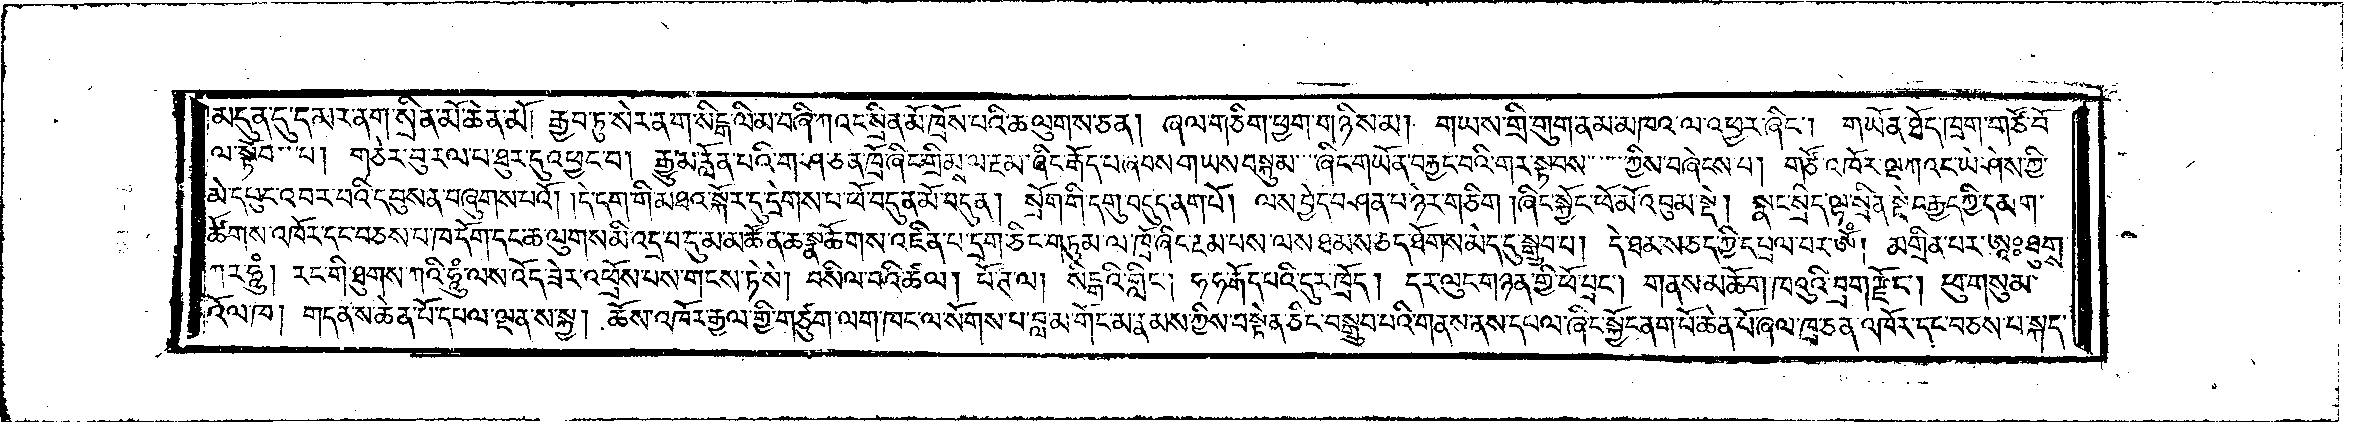མདུན་དུ་དམར་ནག་སྲིན་མོ་ཆེན་མོ། རྒྱབ་ཏུ་སེར་ནག་སིངྒ་ལི་མ་བཞི་ཀའང་སྲིན་མོ་ཁྲོས་པའི་ཆ་ལུགས་ཅན། ཞལ་གཅིག་ཕྱག་གཉིས་མ། གཡས་གྲི་གུག་ནམ་མཁའ་ལ་འཕྱར་ཞིང་། གཡོན་ཐོད་ཁྲག་གཙོ་བོ་
ལ་སྟོབ་པ། གཅེར་བུ་རལ་པ་ཐུར་དུ་འཕྱང་བ། རྒྱུ་མ་རློན་པའི་ག་ཤ་ཅན་ཁྲོ་ཞིང་གྲིམས་ལ་རྔམ་ཞིང་རྒོད་པ་ཞབས་གཡས་བསྐུམ་ཞིང་གཡོན་བརྐྱང་བའི་གར་སྟབས་ཀྱིས་བཞེངས་པ། གཙོ་འཁོར་ལྔ་ཀའང་ཡེ་ཤེས་ཀྱི་
མེ་དཔུང་འབར་བའི་དབུས་ན་བཞུགས་པའོ། །དེ་དག་གི་མཐའ་སྐོར་དུ་དྲེགས་པ་ཕོ་བདུན་མོ་བདུན། སྲོག་གི་དགུ་བདུད་ནག་པོ། ལས་བྱེད་བཤན་པ་ཉེར་གཅིག །ཞིང་སྐྱོང་ཕོ་མོ་འབུམ་སྡེ། སྣང་སྲིད་ལྷ་སྲིན་སྡེ་བརྒྱད་ཀྱི་དམག་
ཚོགས་འཁོར་དང་བཅས་པ་ཁ་དོག་དང་ཆ་ལུགས་མི་འདྲ་བ་དུ་མ་མཚོན་ཆ་སྣ་ཚོགས་འཛིན་པ་དྲག་ཅིང་གཏུམ་ལ་ཁྲོ་ཞིང་རྔམ་པས་ལས་ཐམས་ཅད་ཐོགས་མེད་དུ་སྒྲུབ་པ། དེ་ཐམས་ཅད་ཀྱི་དཔྲལ་བར་ཨོཾ། མགྲིན་པར་ཨཱཿཐུགས་
ཀར་ཧཱུཾ། རང་གི་ཐུགས་ཀའི་ཧཱུཾ་ལས་འོད་ཟེར་འཕྲོས་པས་གངས་ཏེ་སེ། བསིལ་བའི་ཚལ། པོ་ཏ་ལ། སིངྒའི་གླིང་། ཧ་ཧ་རྒོད་པའི་དུར་ཁྲོད། ངར་ལུང་གཉན་གྱི་ཕོ་བྲང་། གནས་མཆོག་ཁཱུའི་བྲག་རྫོང་། ཕུ་གསུམ་
འོ་ལ་ཁ། གདན་ས་ཆེན་པོ་དཔལ་ལྡན་ས་སྐྱ། ཆོས་འཁོར་རྒྱལ་གྱི་གཙུག་ལག་ཁང་ལ་སོགས་པ་བླ་མ་གོང་མ་རྣམས་ཀྱིས་བསྟེན་ཅིང་བསྒྲུབ་པའི་གནས་ནས་དཔལ་ཞིང་སྐྱོང་ནག་པོ་ཆེན་པོ་ཞལ་ཁྲ་ཅན་འཁོར་དང་བཅས་པ་སྐད་